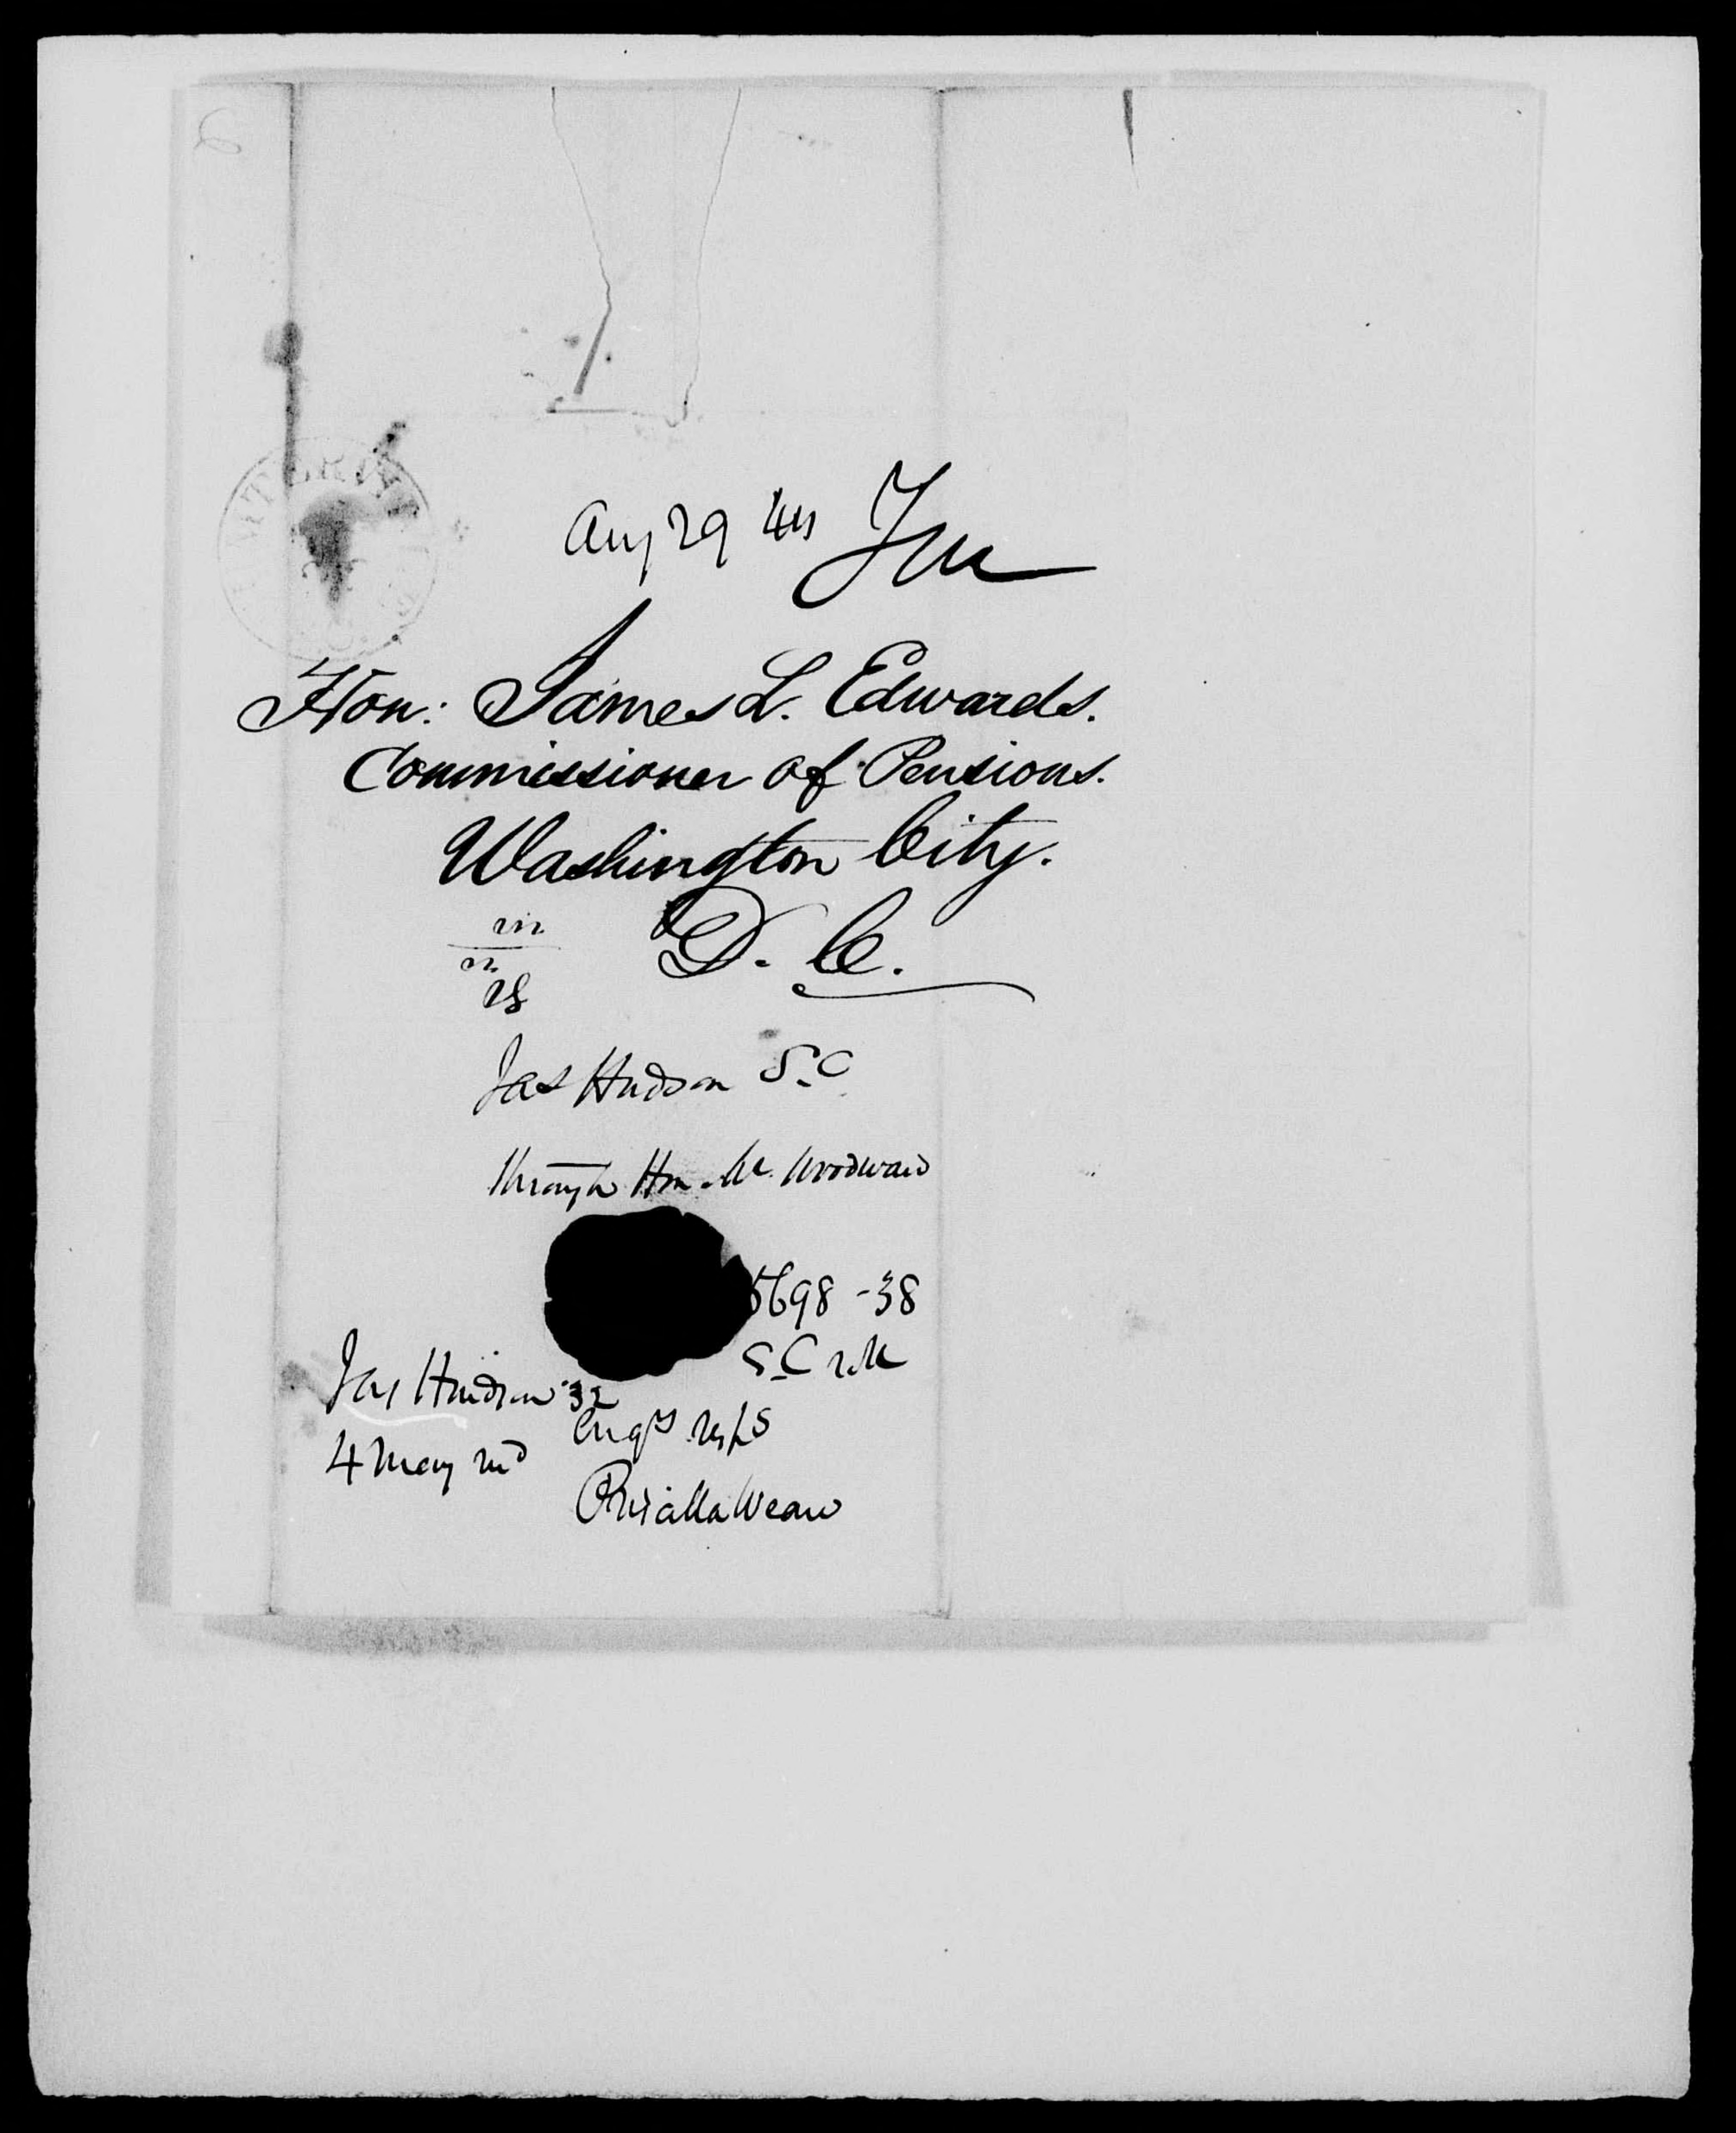Aug 29th For
Hon. James L. Edwards
Commisioner of Pensions
Washington City
D.C.

Jas Hudson S.C
through Hon. Woodward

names: Jas Hudson, Woodward, James L Edwards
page: 22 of 33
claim: rejected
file: R. 5334, James Hudson, N.C.